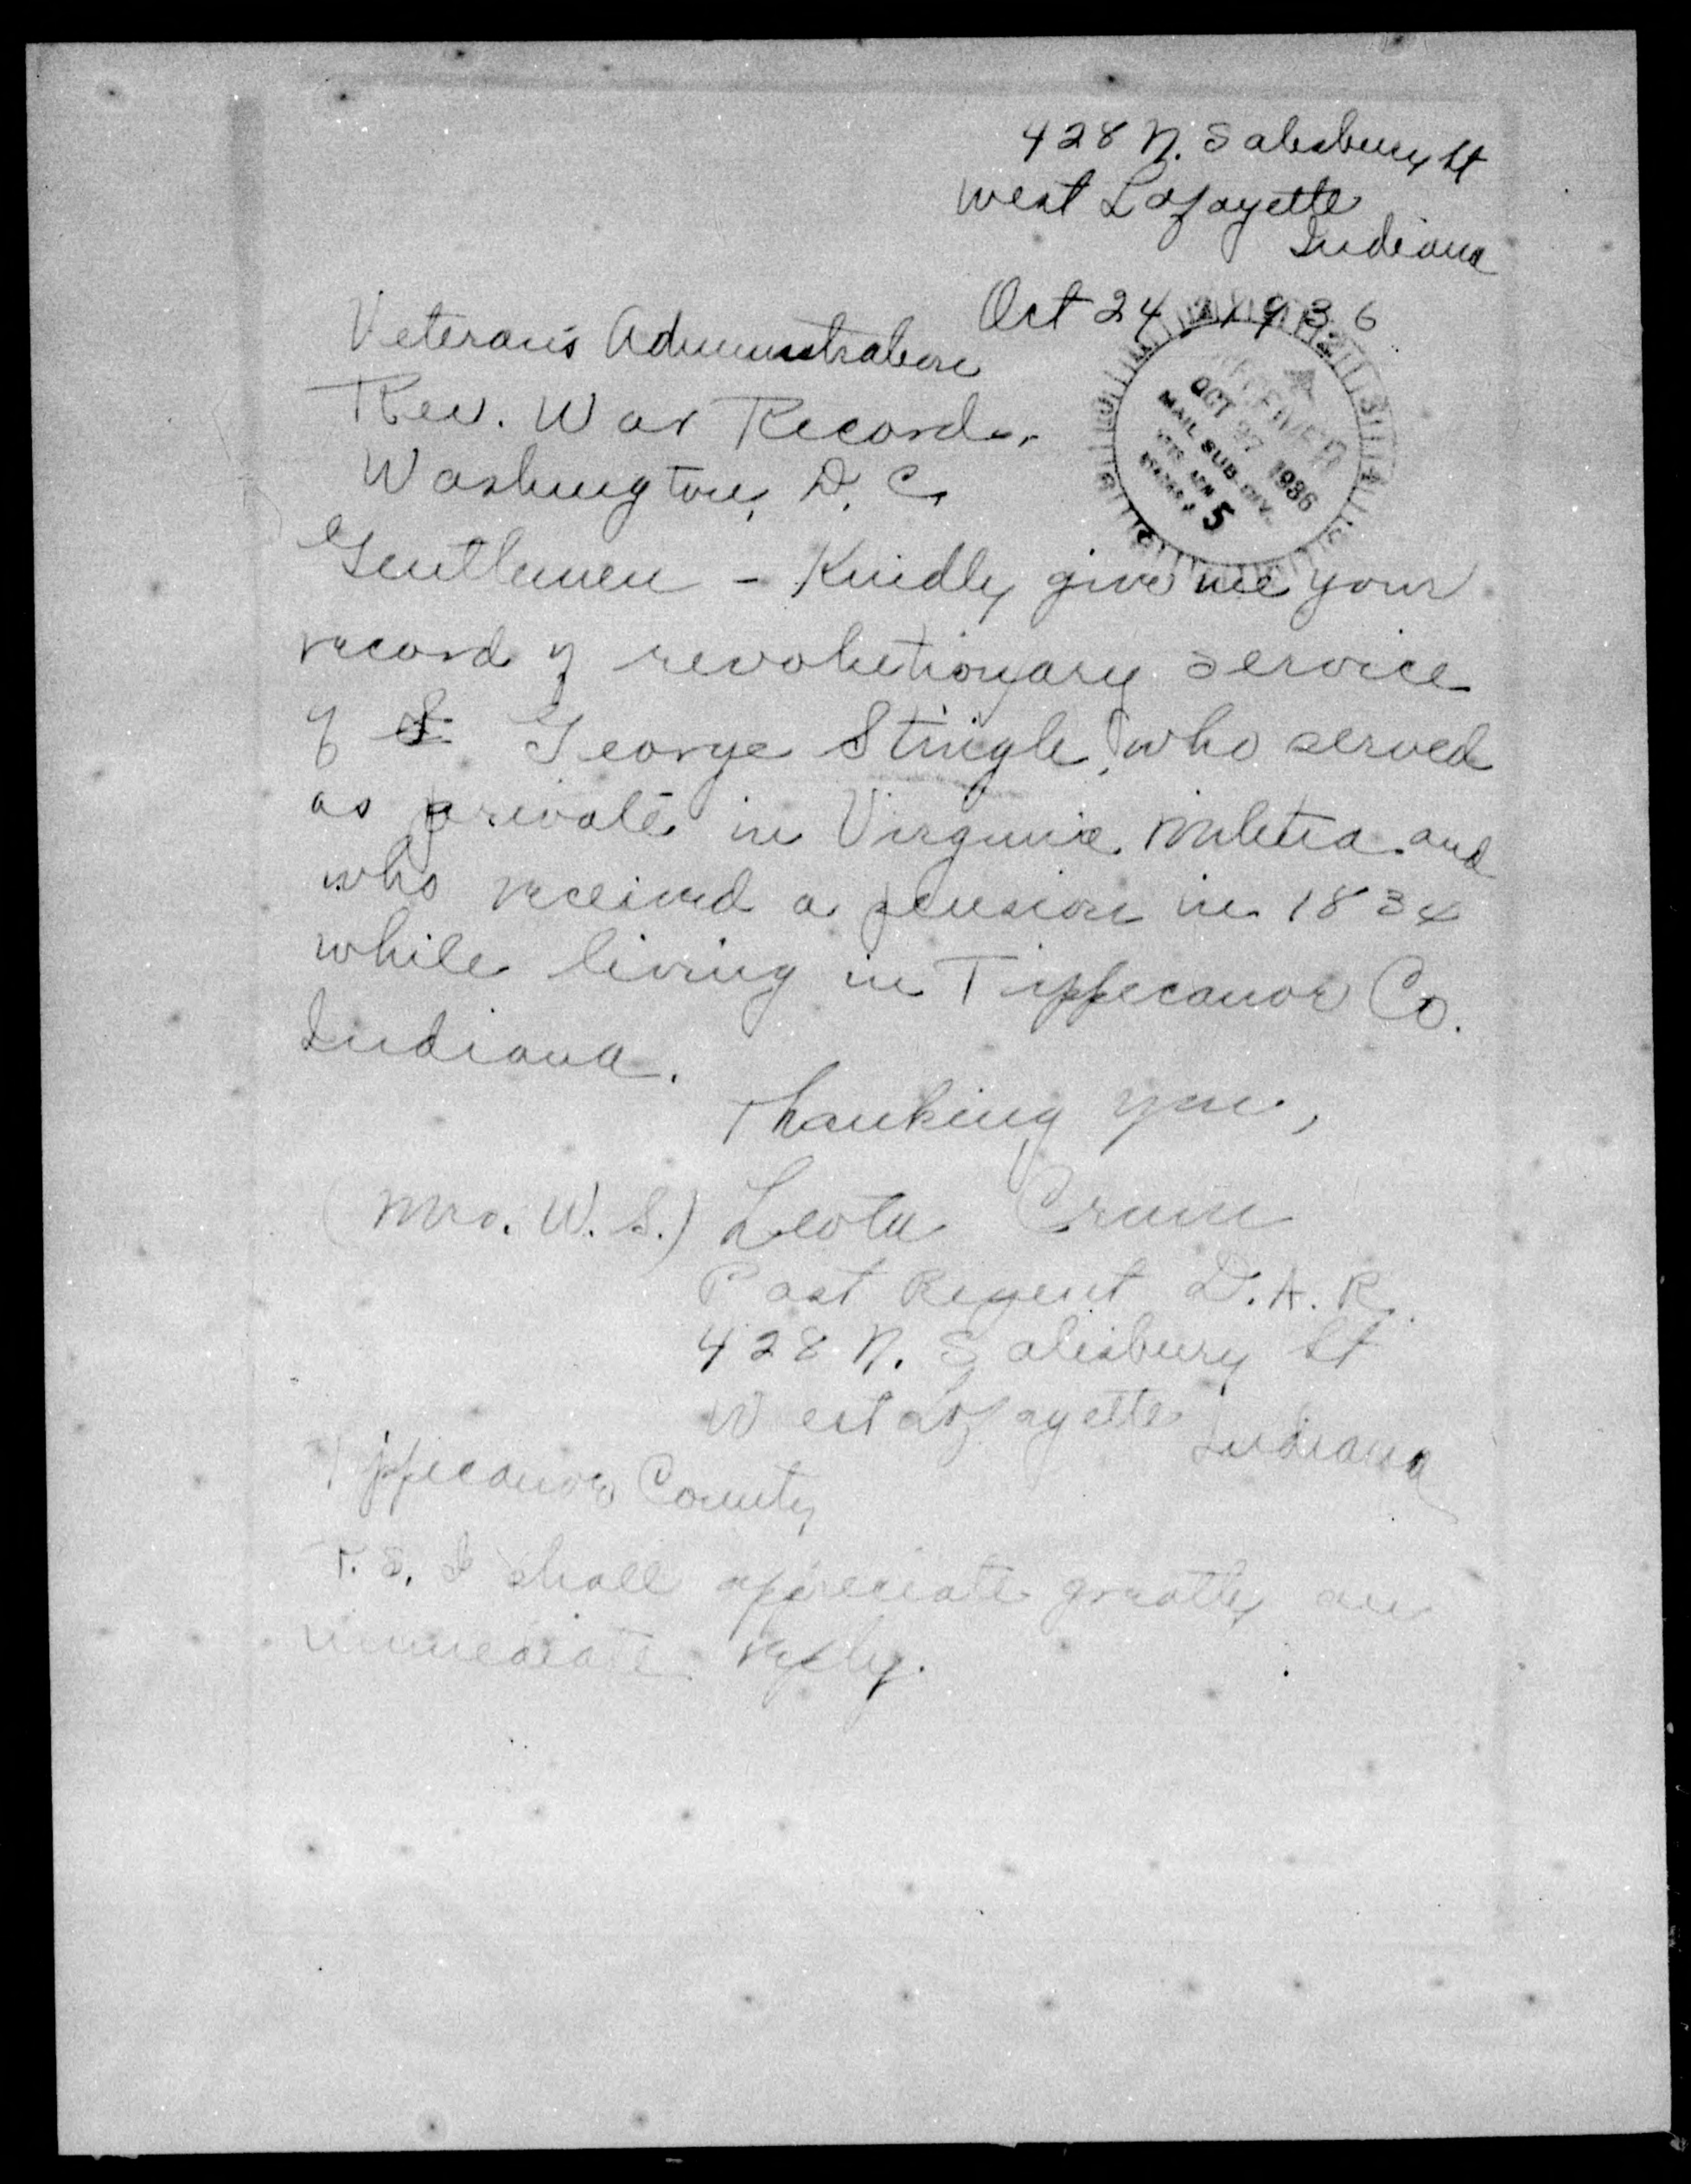428 N. Salisbury St
West Lafayette 
Indiana
Oct 24, 1936

[rubber stamp:]
Receiver
Oct 27 1936
Mail Sub - Div.
Vets Adm
[illegible] 5

Veteran's Administration
Rev. War Recorder
Washington, D. C.

Gentlemen - Kindly give me your
record of revolutionary service
of George Stingle, who served
as private in Virginia Militia and
who received a pension in 1834
while living in Tippecanoe Co.
Indiana.

Thanking you,

(Mrs. W. S. ) Leota Crum
Past Request D.A.R.
428 N. Salisbury St
West Lafayette Indiana

Tippecanoe County
P.S. I shall appreciate greatly an
immediate reply.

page: 10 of 12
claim: survivor's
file: S. 32543, for George Stingley, Virginia